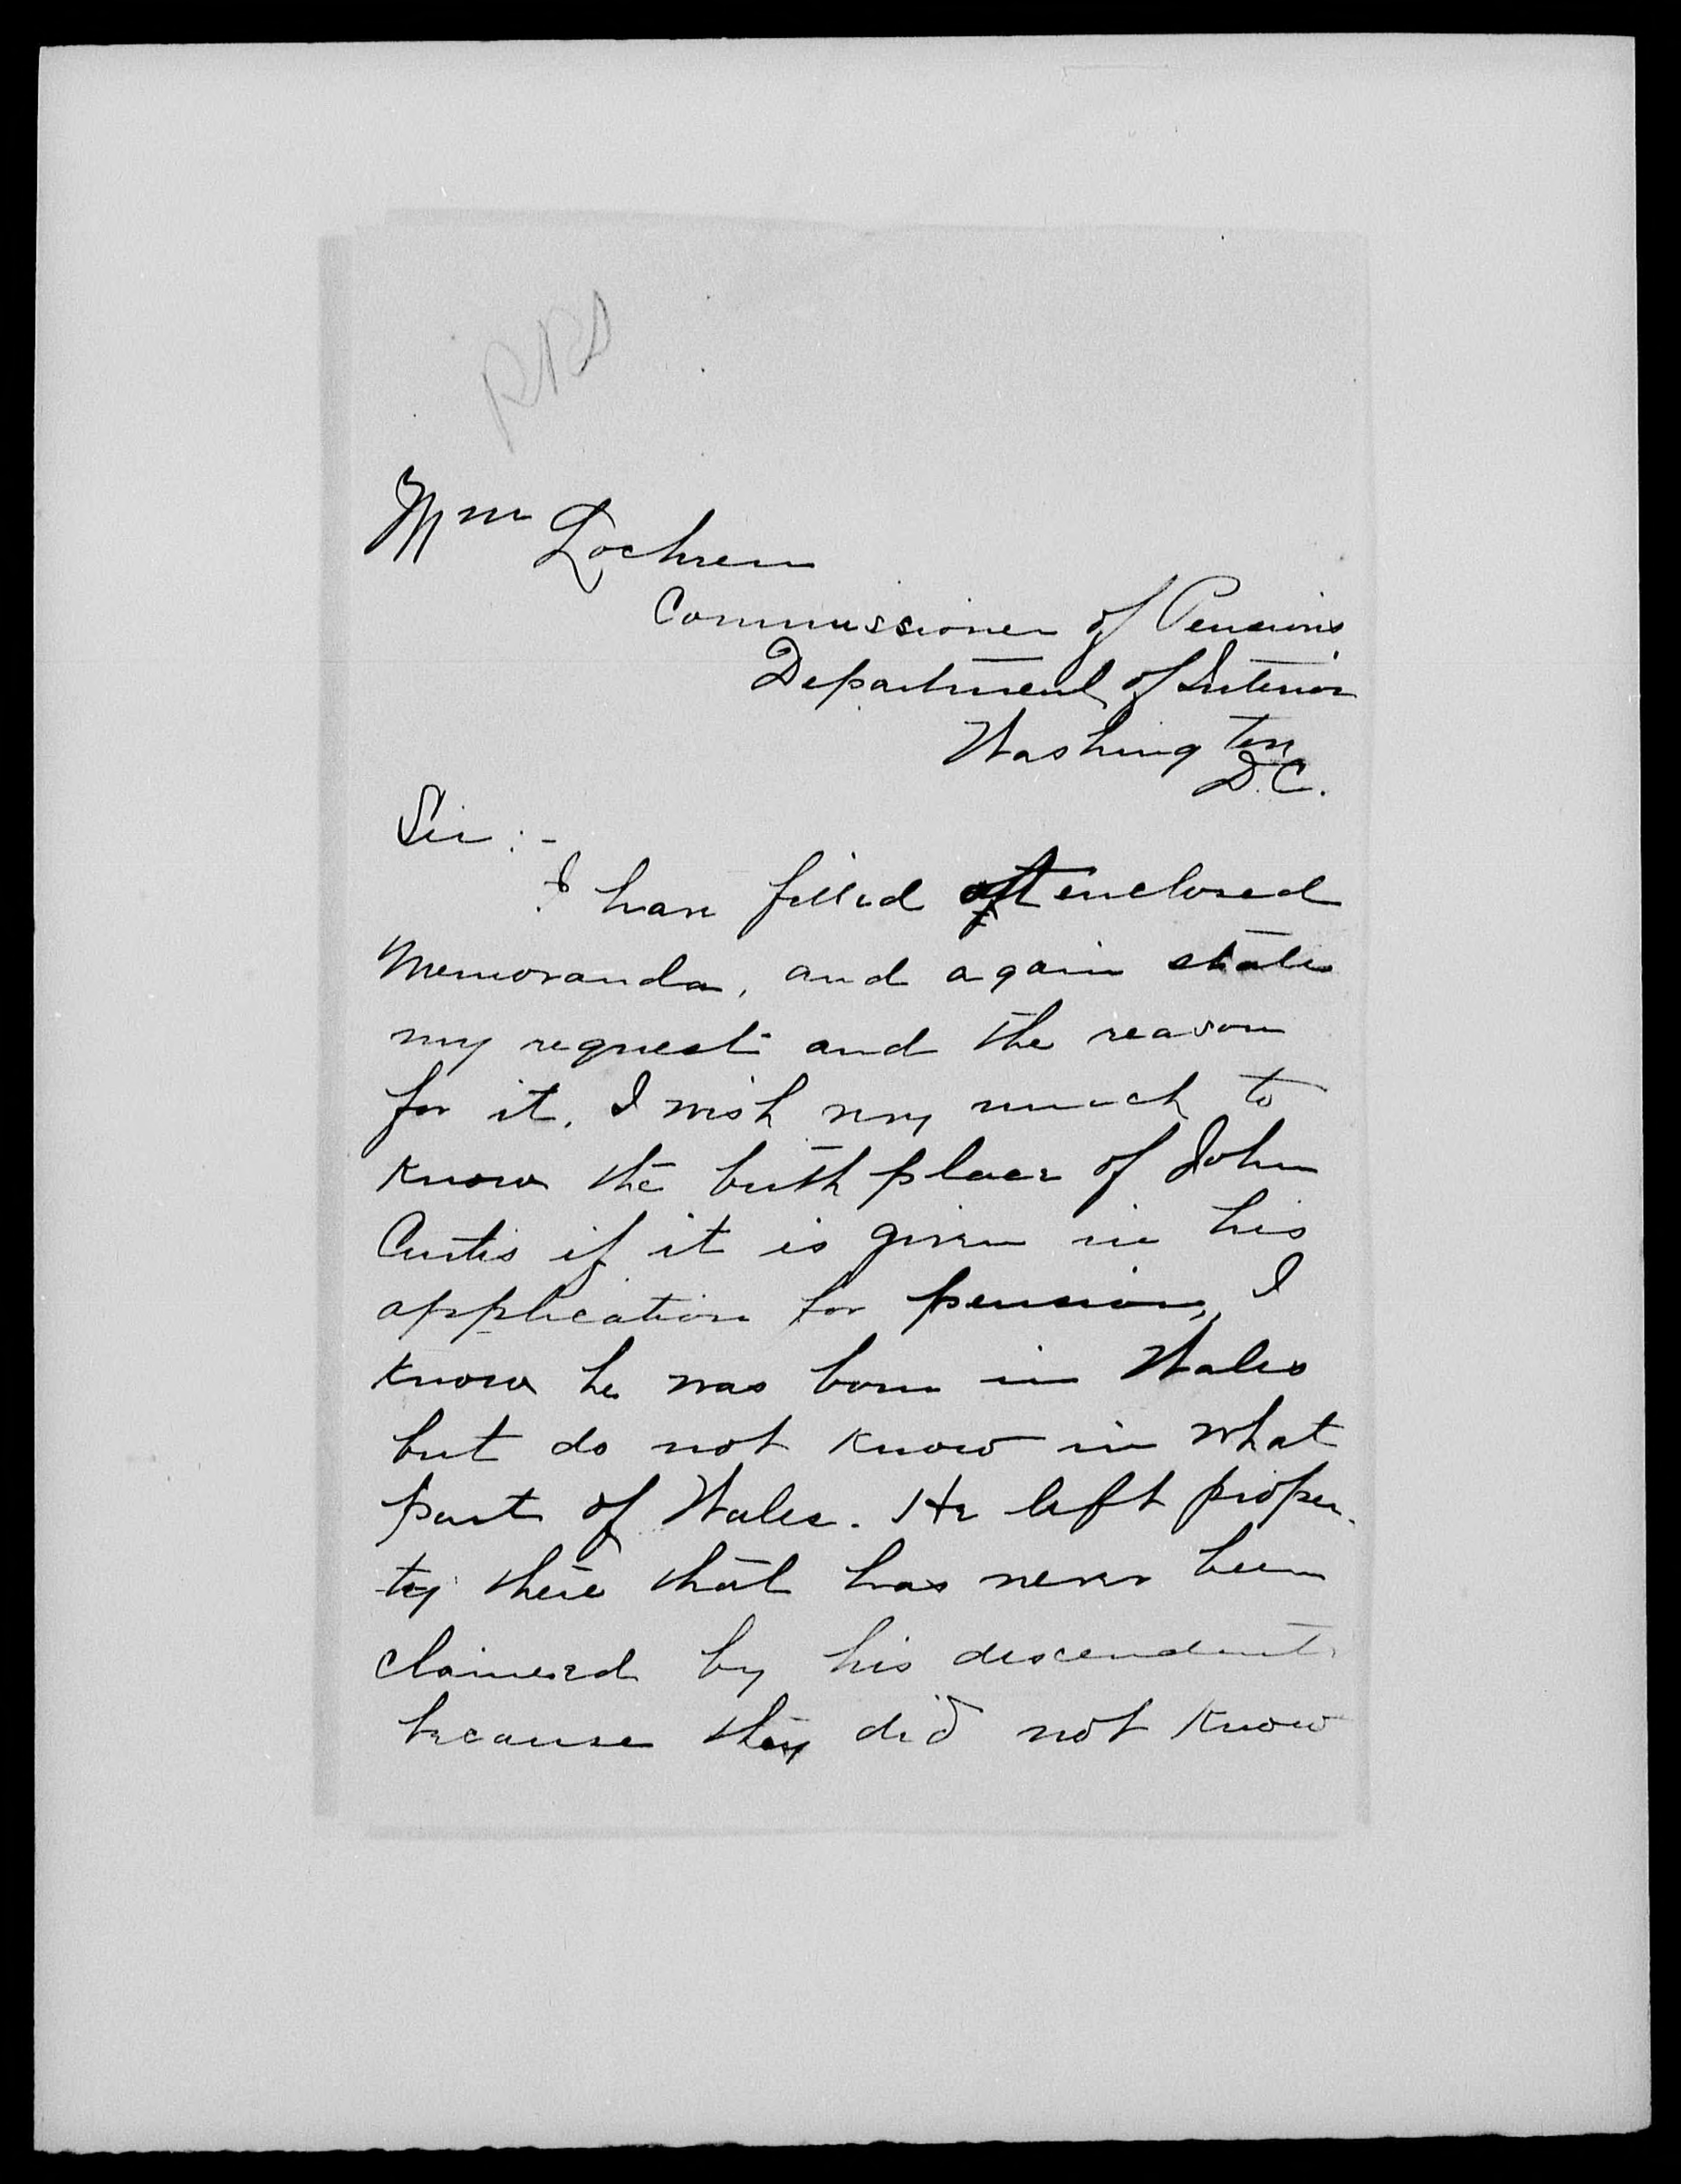prs

M Lochren
Commissioner of Pensions
Department of Interior
Washington
D.C.

Sir
I have failed to enclosed
Memoranda, and again state
my request and the reason
for it. I wish very much to
know the birth place of John
Curtis if it is given in his
application for pension, I
know he was born in Wales
but do not know in what
part of Wales. He left property
there that has never been
claimed by his descendent
because they did not know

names: John Curtis, Wm Lochren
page: 17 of 26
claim: survivor's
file: S. 34,725, John Curtis, Md.